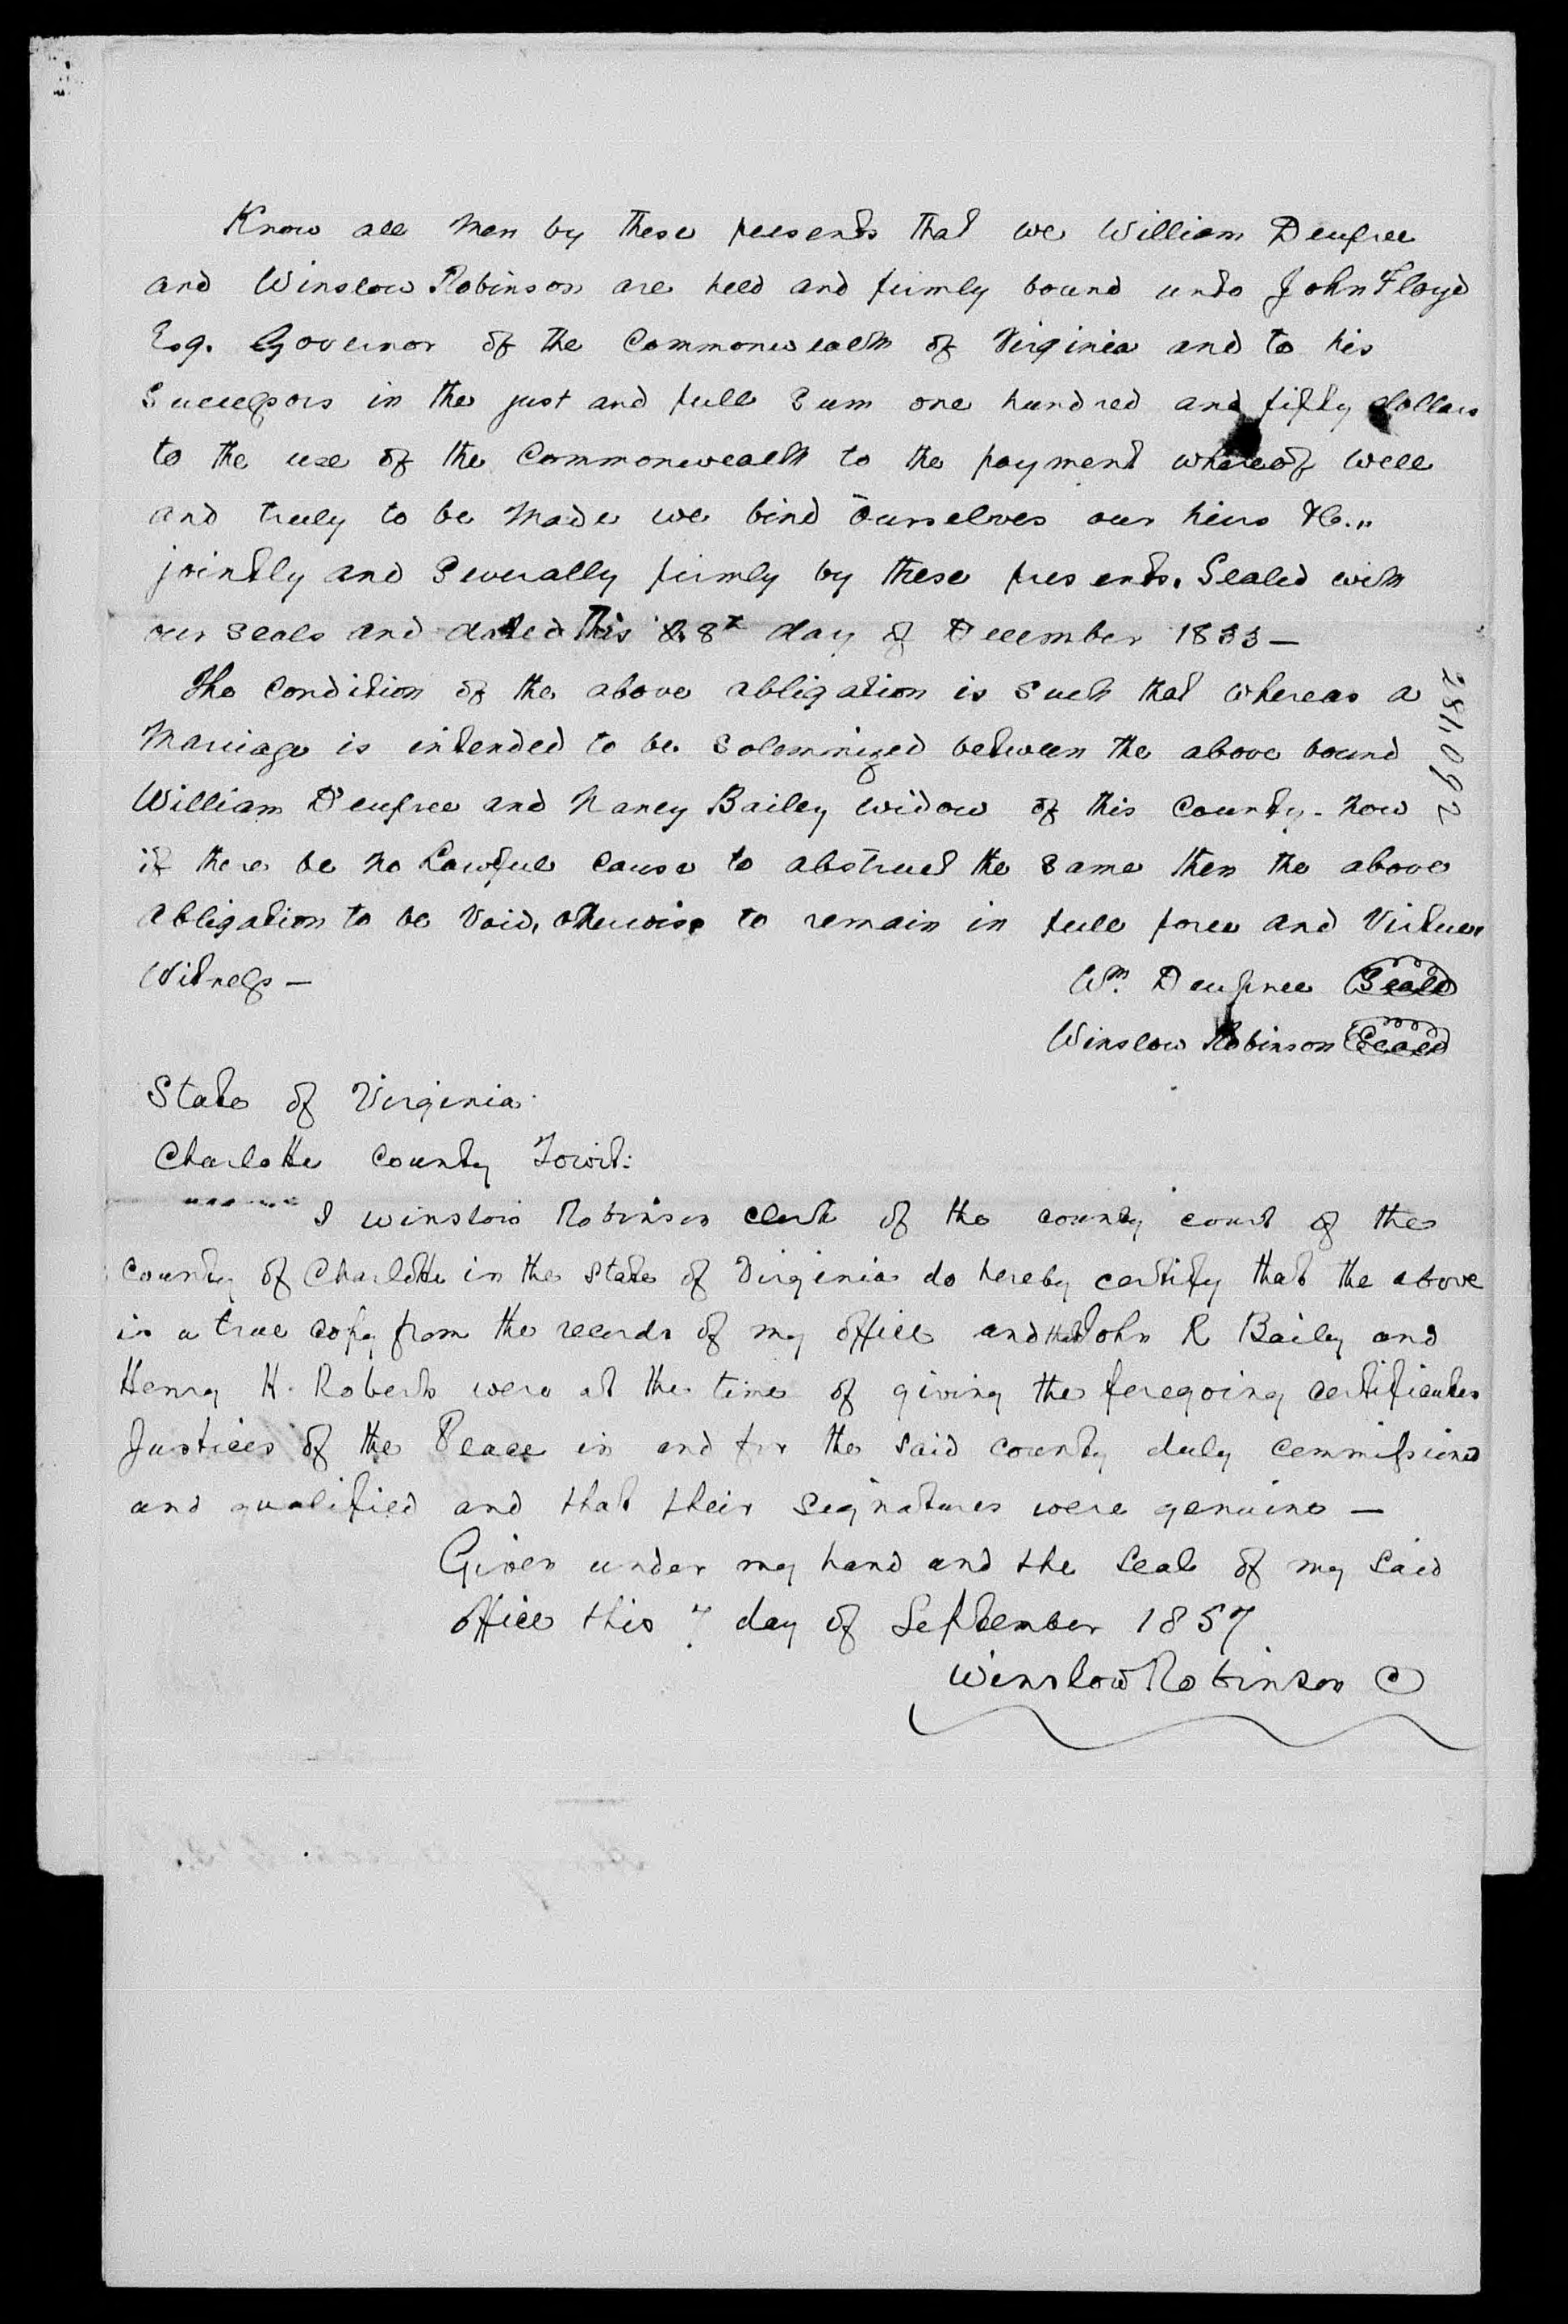Know all men by these present that are William Dupree and Winslow Robinson are heed and firmly bound unto John Floyd Esq. Governor of the Commonwealth of Virginia and to his successors in the post and full sum one hundred and fifty dollars to the use of the Commonwealth to the payment whereof well and truly to be made we bind ourselves our [illegible] jointly and severally firmly by these present. Sealed with our seal and dated this 28th day of December 1833-
The condition of the above obligation is such that whereso a marriage is intended to be sodomized between the above bound William Dupree and Nancy Bailey widow of this county. Now if there be no lawful cause to [illegible] the same item the above obligations to be said, [illegible] to remain in full force and [illegible]
Wm Dupree [seal]
Winslow Robinson [seal]

260486

State of Virginia
Charlotte County Town
I Winslow Robinson clerk of the [illegible] court of the county of Charlotte in the state of Virginia do hereby certify that the above is a true copy for the records of my office and that John R Bailey and Henry H Roberts were at the time of giving the foregoing certificate Justices of the Peace in and for the said county duly commissioned and qualified and that their signatures were genuine-
Given under my hand and the seal of my  said office this 7 day of September 1857.
Winslow Robinson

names: William Deupree, Henry H Roberts, Winslow Robinson, Nancy Bailey, John R Bailey, John Floye, Winslow Robinson, Winslow Robinson, Wm Deupree, William Deupree, Winslow Robinson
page: 6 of 8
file: B. L. Rej. 281092-1855, William Dupree, Va.